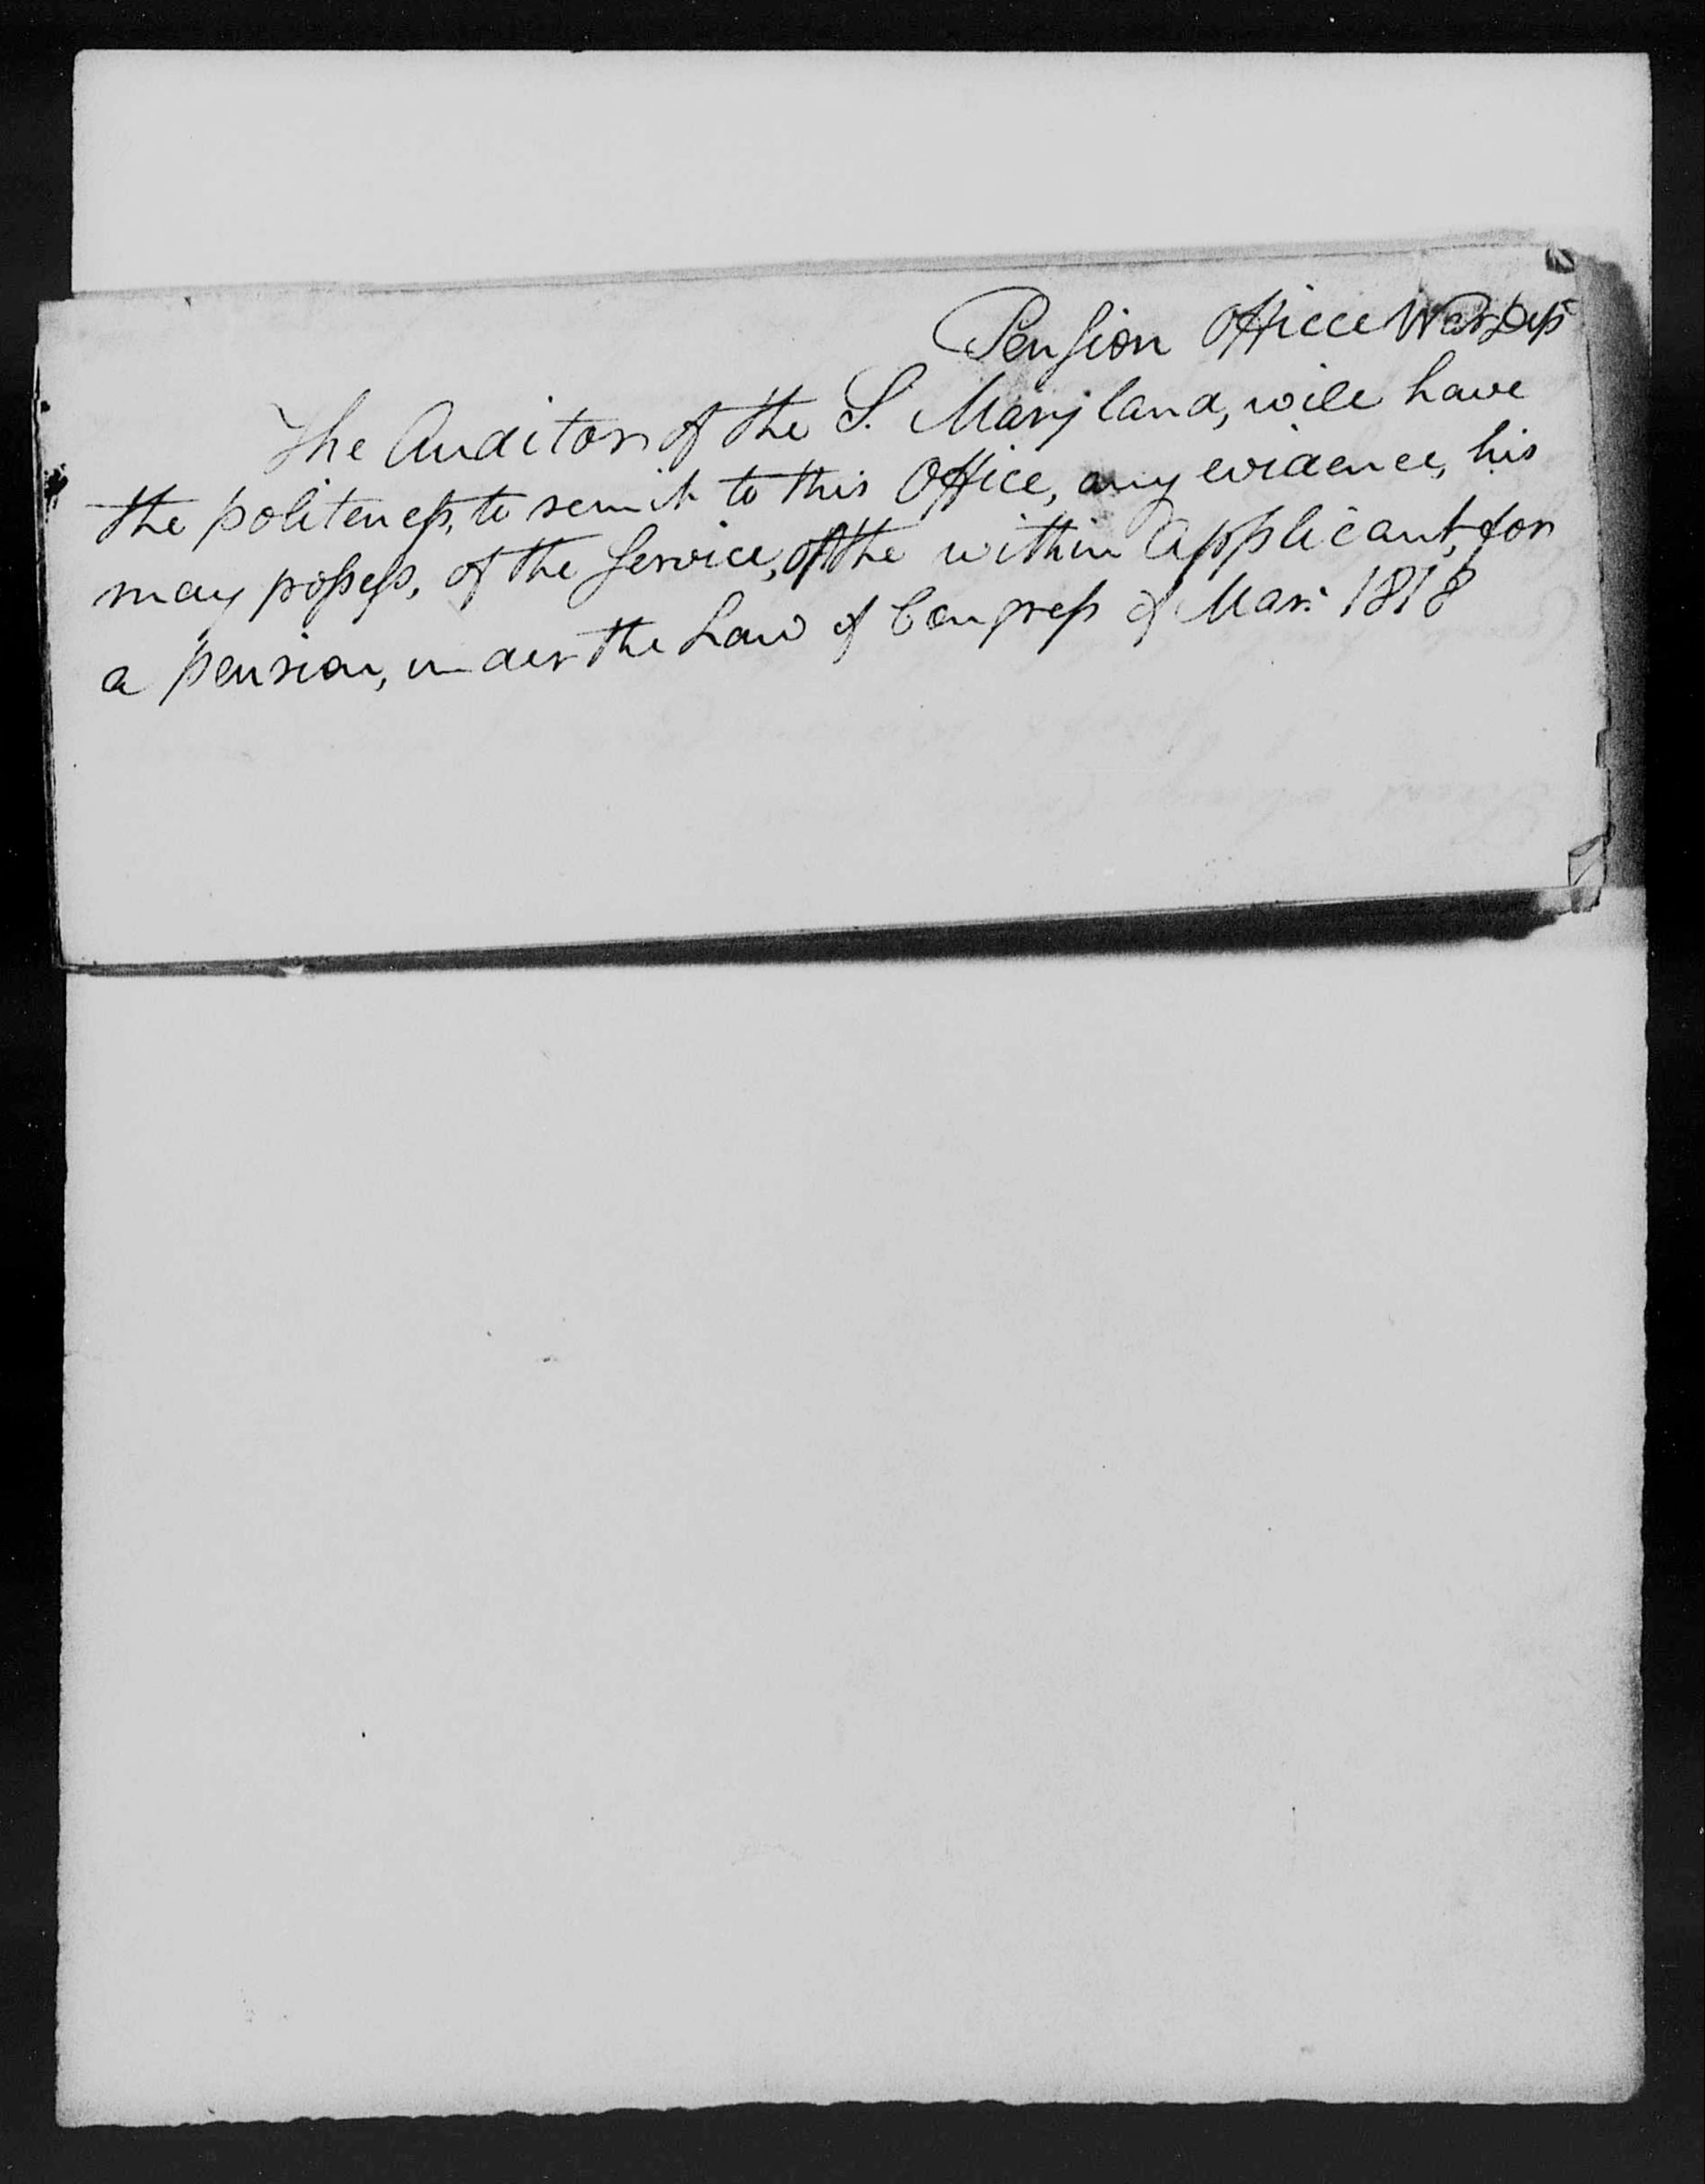Pension Office War Dept
The auditor of the S. Maryland will have the politeness to send it to this office, any evidence his may possess of the service of the within applicant for a pension under the law of Congress of Mar 1818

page: 49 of 49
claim: survivor's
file: S. 12755, George Dent, Md.